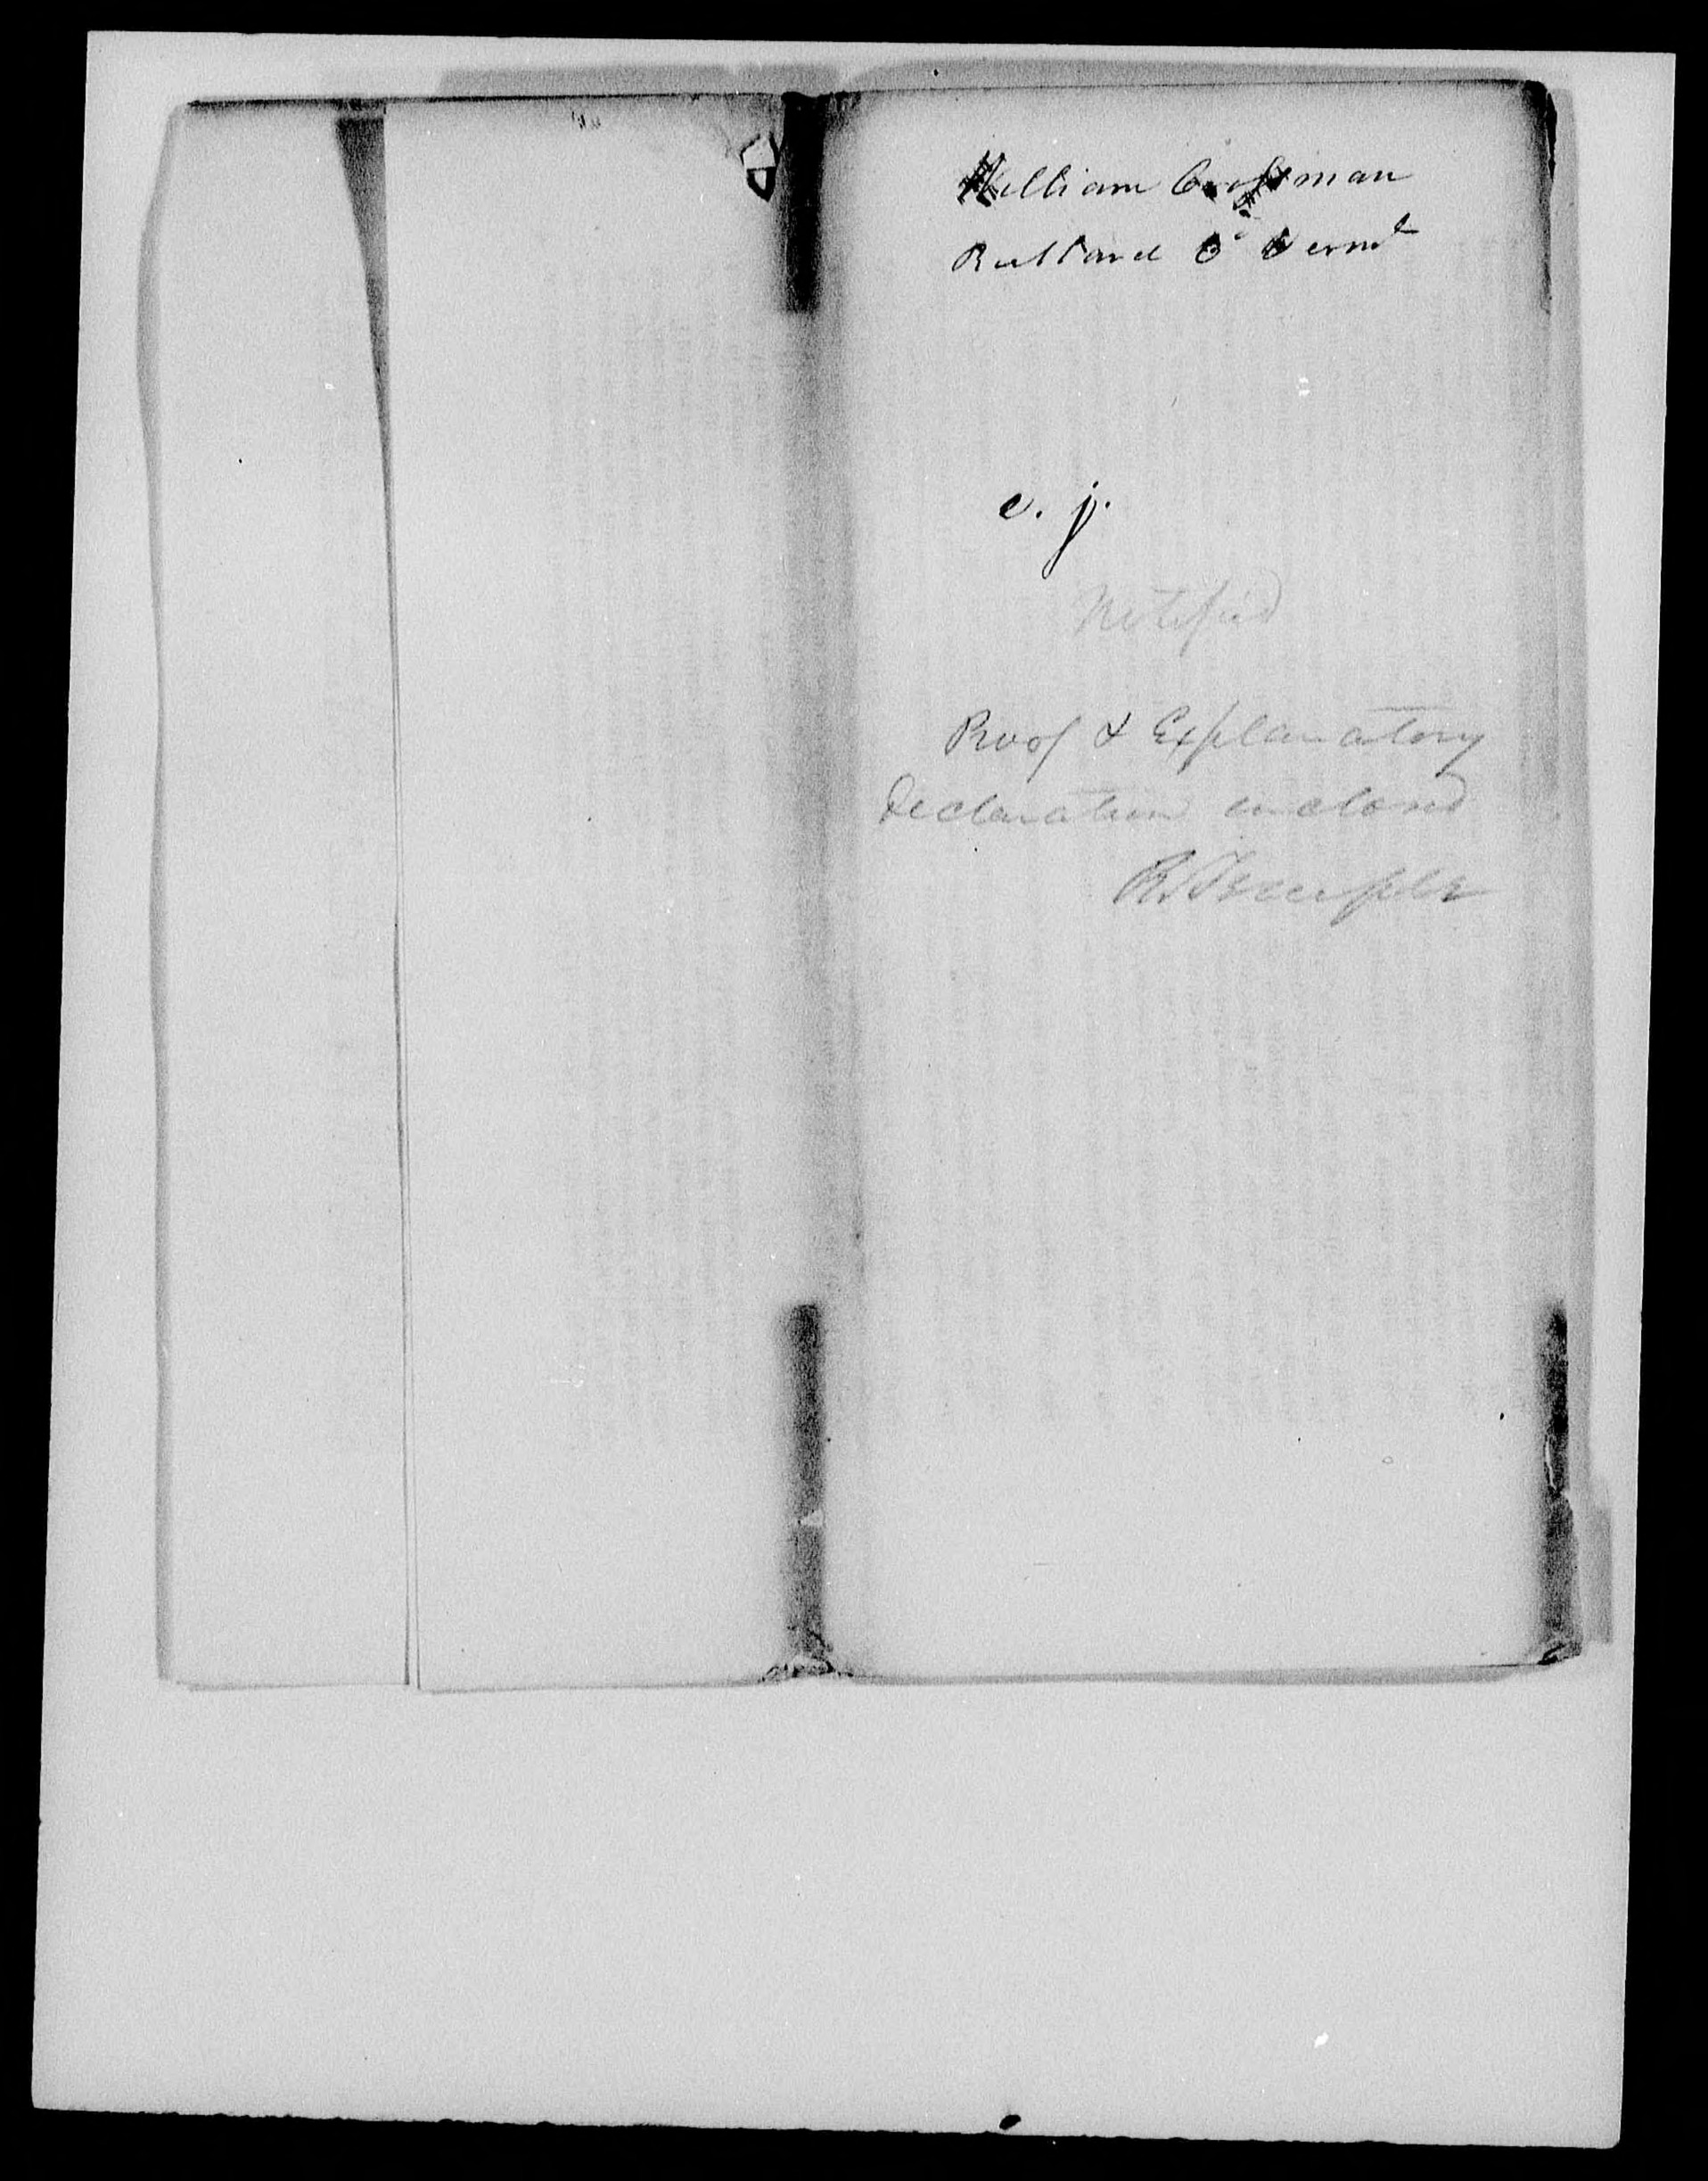William Crossman
Rutland Co Vermont

e. j. 

notified
Proof + Explanatory Declaration enclosed 
R. Temple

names: William Crossman, R Temple, Rutland B Vernol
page: 10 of 33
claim: survivor's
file: S. 12632, William Crossman, Mass. Vt.